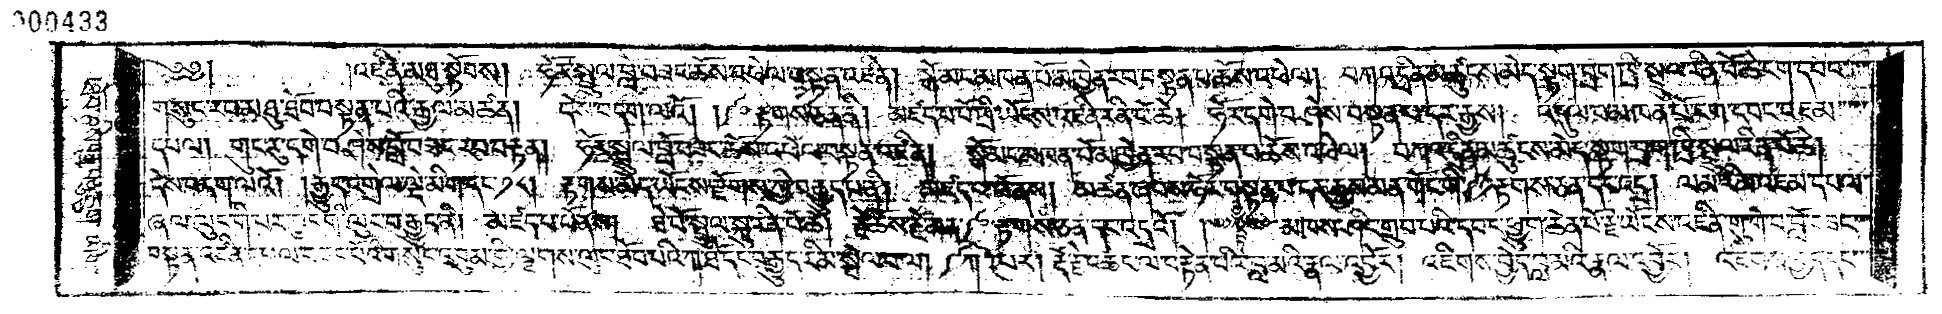༄༅། །འཛིན་མཐུ་སྟོབས། ཧོར་སྤྲུལ་བློ་བཟང་ཆོས་འཕེལ་བསྟན་འཛིན། སྒོ་མང་མཁན་པོ་མཁྱེན་རབ་བསྟན་པ་ཆོས་འཕེལ། བཀའ་དྲིན་མཚུངས་མེད་སྟག་བྲག་ཁྲི་སྤྲུལ་རིན་པོ་ཆེ་ངག་དབང་
གསུང་རབ་མཐུ་ཐོབ་བསྟན་པའི་རྒྱལ་མཚན། དེས་བདག་ལའོ། །྾་རྟགས་ཅན་ནི། མཛད་པ་པོ་ཁྲི་ཡོངས་འཛིན་རིན་པོ་ཆེ། ཧོར་དགེ་བཤེས་བསྟན་པ་དར་རྒྱས། འདུལ་བ་མཁན་པོ་ངག་དབང་འཇམ་
དཔལ། གུང་རུ་དགེ་བཤེས་བློ་བཟང་རབ་བརྟན། ཧོར་སྤྲུལ་བློ་བཟང་ཆོས་འཕེལ་བསྟན་འཛིན། སྒོ་མང་མཁན་པོ་མཁྱེན་རབ་བསྟན་པ་ཆོས་འཕེལ། བཀའ་དྲིན་མཚུངས་མེད་སྟག་བྲག་ཁྲི་སྤྲུལ་རིན་པོ་ཆེ།
དེས་བདག་ལའོ། །རྒྱུད་འགྲེལ་ལྡེ་མིག་དང ༡༨། རྟགས་མེད་ཡོངས་རྫོགས་ཀྱི་བརྒྱུད་པ་ནི། མཛད་པ་པོ་ནས། མཚན་ཞབས་ཧོར་བསྟན་པ་དར་རྒྱས་མན་གོང་གི ༡་རྟགས་ཅན་དང་འདྲ། ལམ་རིམ་འཇམ་དཔལ་
ཞལ་ལུང་གི་པར་བྱང་གི་ལུང་བརྒྱུད་ནི། མཛད་པ་པོ་ནས། ཐེ་བོ་སྤྲུལ་སྐུ་རིན་པོ་ཆེ། རྗེ་ཆོས་རྗེ་མན་྾་རྟགས་ཅན་དང་འདྲའོ། །མཁས་ཤིང་གྲུབ་པའི་དབང་ཕྱུག་ཆེན་པོ་རྗེ་ཡོངས་འཛིན་གུ་གེ་བ་བློ་བཟང་
བསྟན་འཛིན་དཔལ་བཟང་པོའི་གསུང་འབུམ་གྱི་ལྗགས་ལུང་ཐོབ་པའི་ཀ་ཐོ་དང་བརྒྱུད་རིམ་སྤེལ་བ་ལ། ༼ཀ༽ པར། རྡོ་རྗེ་འཆང་ལ་བརྟེན་པའི་བླ་མའི་རྣལ་འབྱོར། འཇིགས་བྱེད་བླ་མའི་རྣལ་འབྱོར། འཇིགས་བྱེད་དང་